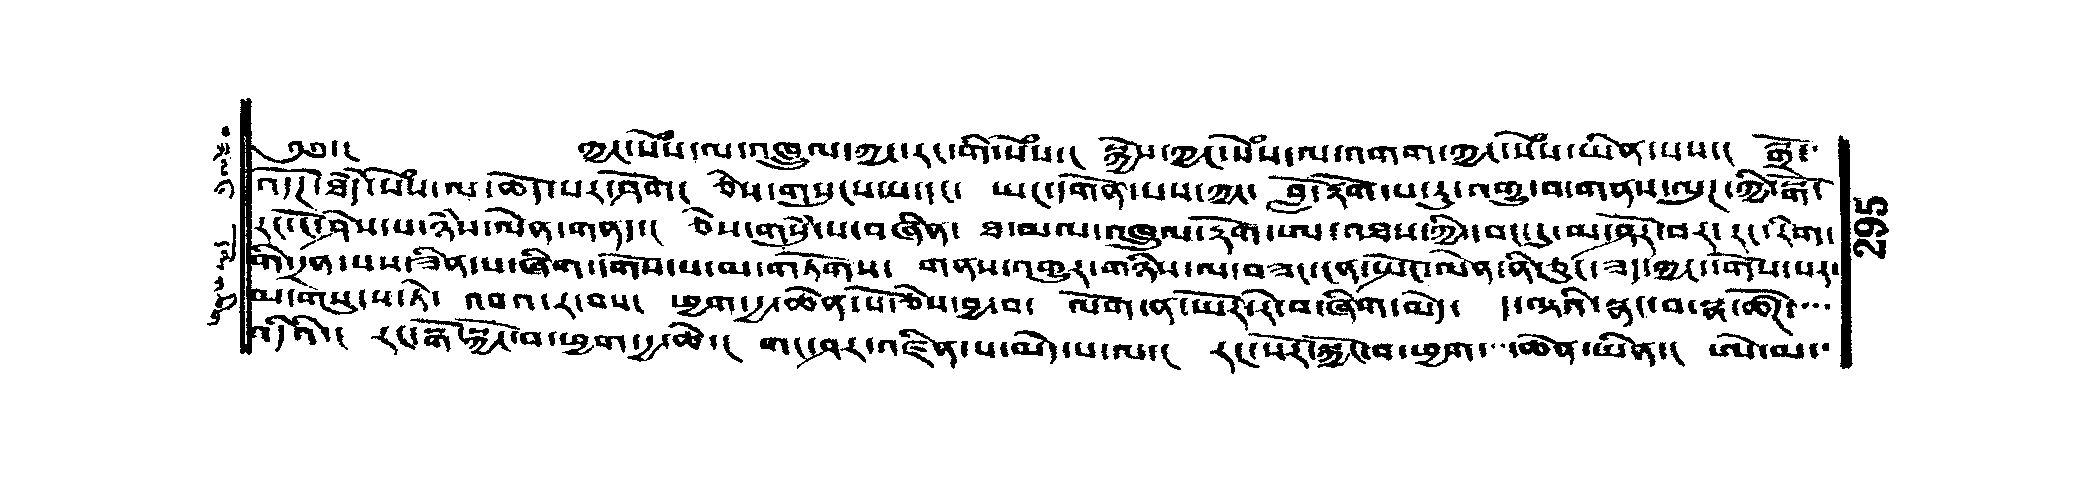ཀྱང་སེམས་ལ་འཁྲུལ་ཀྱང་རང་གི་སེམས། །སྐྱེས་ཀྱང་སེམས་ལ་འགག་ཀྱང་སེམས་ཡིན་པས། །སྒྲོ་
འདོགས་ཐམས་ཅད་སེམས་ལ་ཆོད་པར་ཤོག ཅེས་གསུངས་པ་དང་། ཡང་དགོན་པས་ཀྱང་། བློ་རྟོག་པ་རུ་འགྱུ་བ་གནས་ལུགས་ཀྱི་སྒོ། །
རང་ངོ་ཤེས་པ་ཉམས་ལེན་གནད། ཅེས་གསུངས་པ་བཞིན། ཐ་མལ་འཁྲུལ་རྟོག་ཨ་འཐས་ཀྱི་དབང་དུ་མ་ཤོར་བར་རང་རིག་
གི་དྲན་པས་ཟིན་པ་ཞིག་དགོས་པ་མ་གཏོགས། གནས་འགྱུ་གཉིས་ལ་བཟང་ངན་སྤོང་ལེན་ནི་ཅུང་ཟད་ཀྱང་དགོས་པར་
མ་གསུངས་ཏེ། འབའ་ར་བས། ཕྱག་རྒྱ་ཆེན་པོ་ཞེས་བྱ་བ། །ལོགས་ན་ཡོར་རེ་བ་ཞིག་མེད། །ད་ལྟའི་སྣང་བ་སྣ་ཚོགས་
འདིའི། །རང་ངོ་སྐྱོང་བ་ཕྱག་རྒྱ་ཆེ། །གང་ཤར་འཛིན་པ་མེད་པ་ལ། །རང་སོར་སྐྱོང་བ་ཕྱག་ཆེན་ཡིན། །ཨེ་མ་